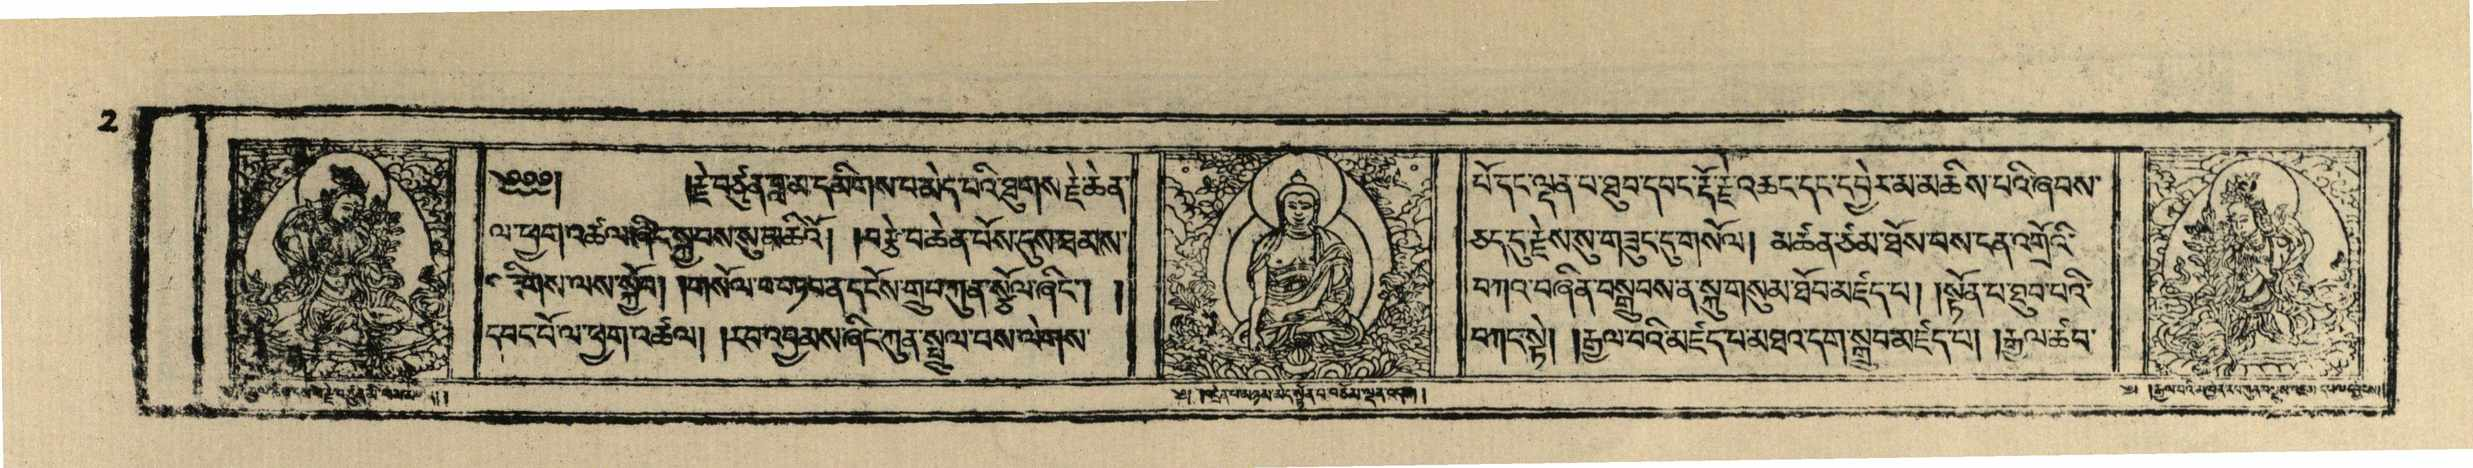༄༅༅། །རྗེ་བཙུན་བླ་མ་དམིགས་པ་མེད་པའི་ཐུགས་རྗེ་ཆེན་པོ་དང་ལྡན་པ་ཐུབ་དབང་རྡོ་རྗེ་འཆང་དང་དབྱེར་མ་མཆིས་པའི་ཞབས་
ལ་ཕྱག་འཚལ་ཞིང་སྐྱབས་སུ་མཆིའོ། །བརྩེ་བ་ཆེན་པོས་དུས་ཐམས་ཅད་དུ་རྗེས་སུ་གཟུང་དུ་གསོལ། མཚན་ཙམ་ཐོས་བས་ངན་འགྲོའི་
འཇིགས་ལས་སྐྱོབ། །གསོལ་བ་བཏབ་ན་དངོས་གྲུབ་ཀུན་སྩོལ་ཞིང་། །བཀའ་བཞིན་བསྒྲུབས་ན་སྐུ་གསུམ་ཐོབ་མཛད་པ། །སྟོན་པ་ཐུབ་པའི་
དབང་པོ་ལ་ཕྱག་འཚལ། །རབ་འབྱམས་ཞིང་ཀུན་སྤྲུལ་བས་ལེགས་བཀང་སྟེ། །རྒྱལ་བའི་མཛད་པ་མཐའ་དག་སྒྲུབ་མཛད་པ། །རྒྱལ་ཚབ་